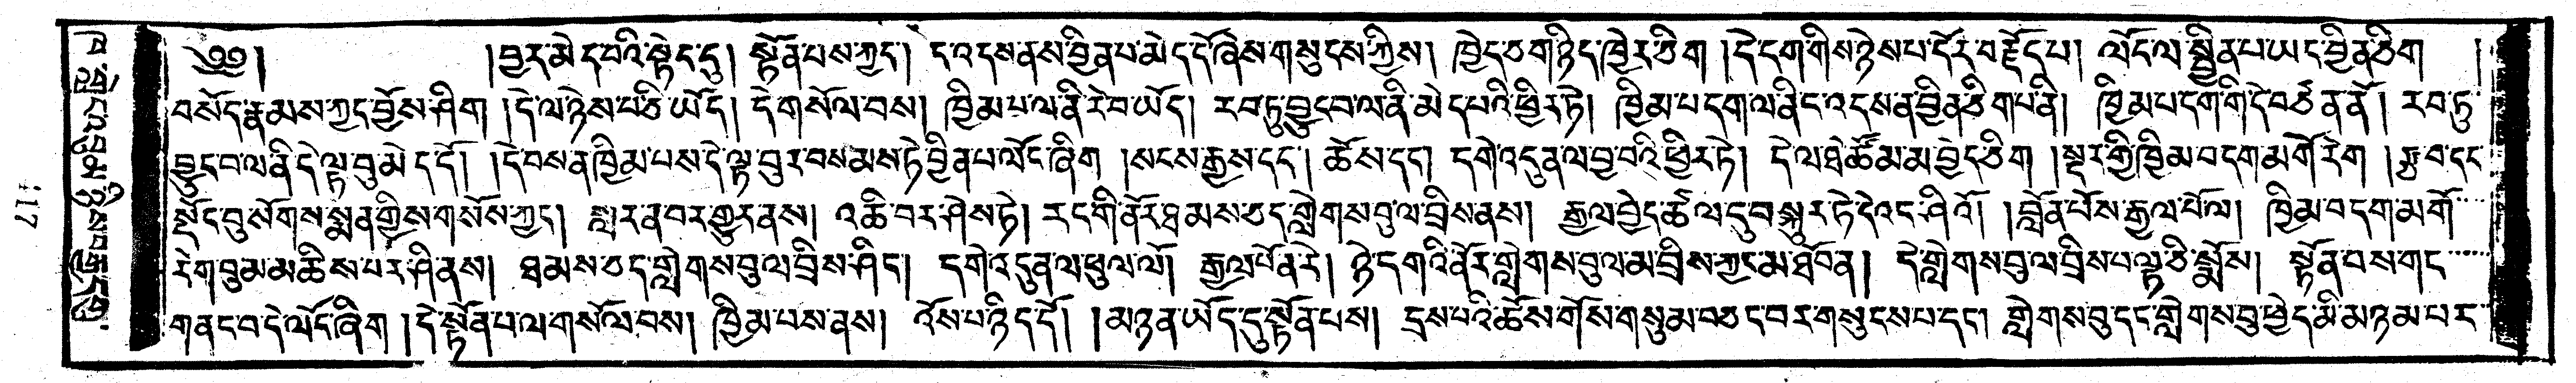༄༅། །བྱར་མེད་པའི་སྟེང་དུ། སྟོན་པས་ཀྱང་། ང་འདས་ནས་བྱིན་པ་མེད་དོ་ཞེས་གསུངས་ཀྱིས། ཁྱེད་ཅག་ཉིད་ཁྱེར་ཅིག །དེ་དག་གིས་ཉེས་པ་དོར་བརྗོད་པ། ལོང་ལ་སྦྱིན་པ་ཡང་བྱིན་ཅིག་
བསོད་རྣམས་ཀྱང་བྱོས་ཤིག །དེ་ལ་ཉེས་པ་ཅི་ཡོད། དེ་གསོལ་བས། ཁྱིམ་པ་ལ་ནི་རེ་བ་ཡོད། རབ་ཏུ་བྱུང་བ་ལ་ནི་མེད་པའི་ཕྱིར་ཏེ། ཁྱིམ་པ་དག་ལ་ནི་ང་འདས་ན་བྱིན་ཅིག་པ་ནི། ཁྱིམ་པ་དག་གི་དེ་བཙན་ནོ། རབ་ཏུ་
བྱུང་བ་ལ་ནི་དེ་ལྟ་བུ་མེད་དོ། །དེ་བས་ན་ཁྱིམ་པས་དེ་ལྟ་བུར་བསམས་ཏེ་བྱིན་པ་ལོང་ཞིག །སངས་རྒྱས་དང་། ཆོས་དང་། དགེ་འདུན་ལ་བྱ་བའི་ཕྱིར་ཏེ། དེ་ལ་ཐེ་ཚོམ་མ་བྱེད་ཅིག །སྔར་གྱི་ཁྱིམ་བདག་མགོ་རེག །རྩ་བ་དང་
སྡོང་བུ་སོགས་སྨན་གྱིས་གསོས་ཀྱང་། སླར་ན་བར་གྱུར་ནས། འཆི་བར་ཤེས་ཏེ། རང་གི་ནོར་ཐམས་ཅད་གླེགས་བུ་ལ་བྲིས་ནས། རྒྱལ་བྱེད་ཚལ་དུ་བསྐུར་ཏེ་དེའང་ཤིའོ། །བློན་པོས་རྒྱལ་པོ་ལ། ཁྱིམ་བདག་མགོ་
རེག་བུམ་མཆིས་པར་ཤི་ནས། ཐམས་ཅད་གླེགས་བུ་ལ་བྲིས་ཤིང་། དགེ་འདུན་ལ་ཕུལ་ལོ། རྒྱལ་པོ་ན་རེ། ཉེ་དགའི་ནོར་གླེགས་བུ་ལ་མ་བྲིས་ཀྱང་མ་ཐོབ་ན། དེ་གླེགས་བུ་ལ་བྲིས་པ་ལྟ་ཅི་སྨོས། སྟོན་པས་གང་
གནང་བ་དེ་ལོང་ཞིག །དེ་སྟོན་པ་ལ་གསོལ་བས། ཁྱིམ་པས་ནས། འོས་པ་ཉིད་དོ། །མཉན་ཡོད་དུ་སྟོན་པས། དྲས་པའི་ཆོས་གོས་གསུམ་བཅང་བར་གསུངས་པ་དང་། གླེགས་བུ་དང་གླེགས་བུ་ཕྱེད་མི་མཉམ་པར་